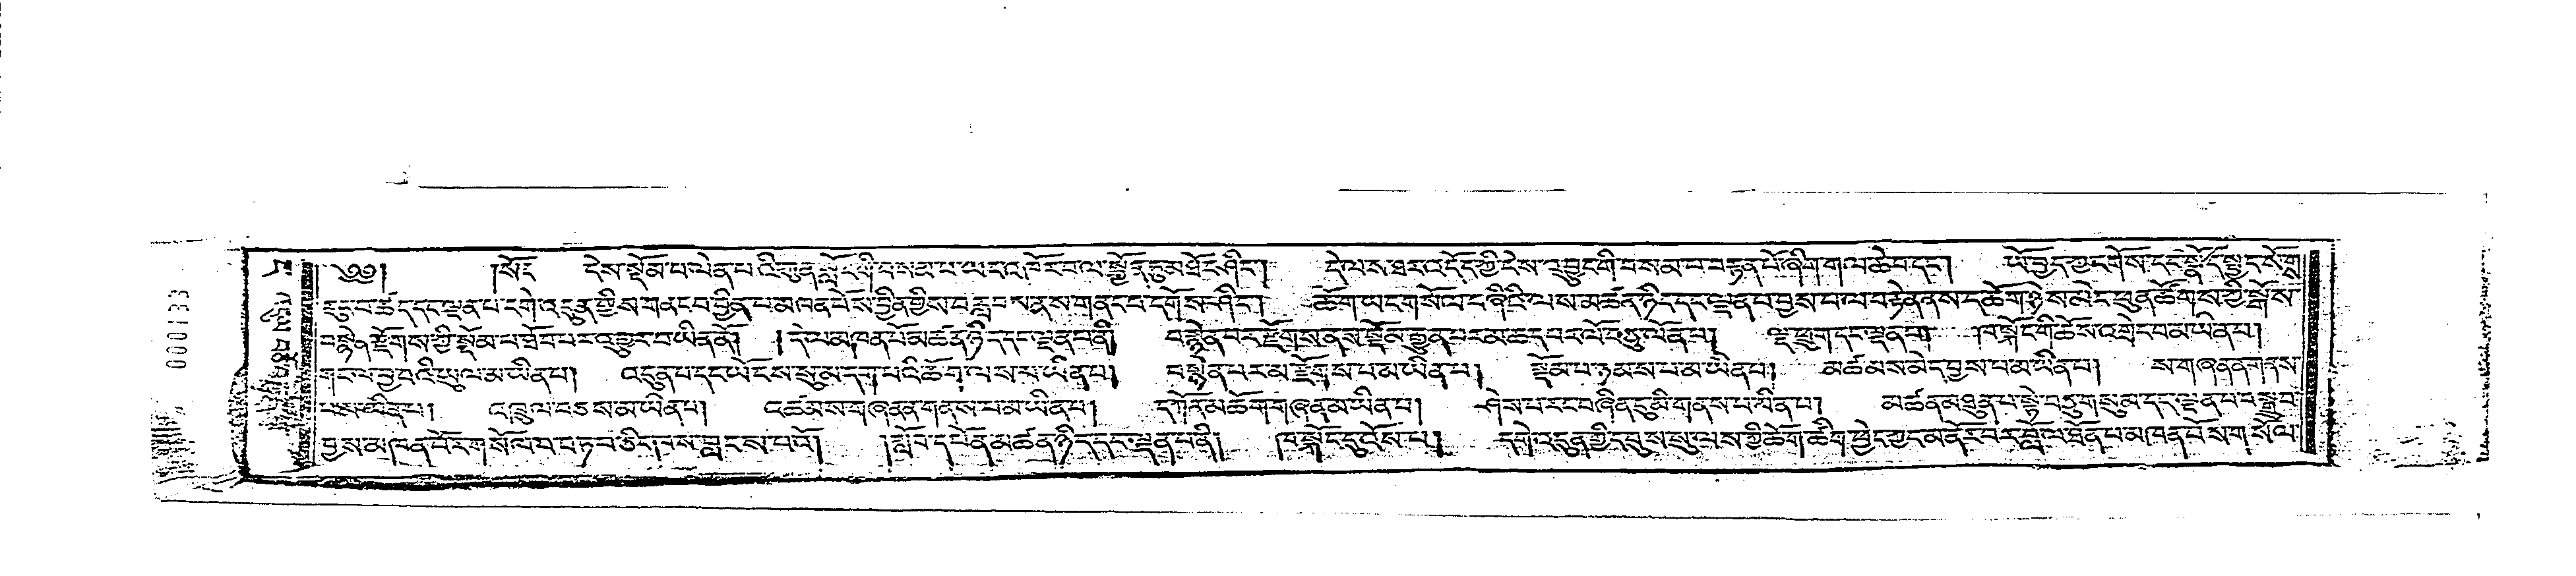༄༅། །སོ༑ དེས་སྡོམ་པ་ལེན་པའི་ཀུན་སློང་གི་བསམ་པ་ཡང་འཁོར་བ་ལ་སྐྱོན་ཏུ་མཐོང་ཤིང་། དེ་ལས་ཐར་འདོད་ཀྱི་ངེས་འབྱུང་གི་བསམ་པ་བརྟན་པོ་ཞིག་གལ་ཆེ་བ་དང་། ཡོ་བྱད་ཀྱང་གོས་དང་སྣོད་སྦྱང་སོགས་
རུང་བ་ཚད་དང་ལྡན་པ་དགེ་འདུན་གྱིས་གནང་བ་བྱིན་པ་མཁན་པོས་བྱིན་གྱིས་བརླབས་ནས་གནང་བ་དགོས་ཤིང་། ཆོ་ག་ཡང་གསོལ་བཞིའི་ལས་མཚན་ཉིད་དང་ལྡན་པ་བྱས་པ་ལ་བརྟེན་ནས་ད་ཆོག་ཉེས་མེད་ཕུན་ཚོགས་ཀྱི་སྒོས་
བསྙེན་རྫོགས་ཀྱི་སྡོམ་པ་ཐོབ་པར་འགྱུར་བ་ཡིན་ནོ། །དེ་ལ་མཁན་པོ་མཚན་ཉིད་དང་ལྡན་པ་ནི། བསྙེན་པར་རྫོགས་ནས་སྡོམ་རྒྱུན་བར་མ་ཆད་པར་ལོ་བཅུ་ལོན་པ། ལྔ་ཕྲུག་དང་ལྡན་པ། ཁ་སྐོང་གི་ཆོས་འགྲེང་བ་མ་ཡིན་པ།
གང་ལ་བྱ་བའི་ཡུལ་མ་ཡིན་པ། འདུན་པ་དང་ཡོངས་སུ་མ་དག་པའི་ཆོ་ག་ལས་མ་ཡིན་པ། བསྙེན་པར་མ་རྫོགས་པ་མ་ཡིན་པ། སྡོམ་པ་ཉམས་པ་མ་ཡིན་པ། མཚམས་མེད་བྱས་པ་མ་ཡིན་པ། ས་གཞན་ན་གནས་
པ་མ་ཡིན་པ། འཁྲུལ་བཅས་མ་ཡིན་པ། འཚམས་གཞན་གནས་པ་མ་ཡིན་པ། དཀོན་མཆོག་གཞན་མ་ཡིན་པ། ཤེས་པ་རང་བཞིན་དུ་མི་གནས་པ་མིན་པ། མཚན་མཐུན་པ་སྟེ་བཅུ་གསུམ་དང་ལྡན་པ་བསྒྲུབ་
བྱས་མཁན་པོར་གསོལ་བ་བཏབ་ཅིང་ཁས་བླངས་པའོ། །སློབ་དཔོན་མཚན་ཉིད་དང་ལྡན་པ་ནི། ཁ་སྐོང་དུ་འོས་པ། དགེ་འདུན་གྱི་དབུས་སུ་ལས་ཀྱི་ཆོ་ག་ཚིག་ཕྱེད་ཀྱང་མ་ནོར་བར་བློ་ལ་ཐོན་པ་མཁན་པོས་གསོལ་